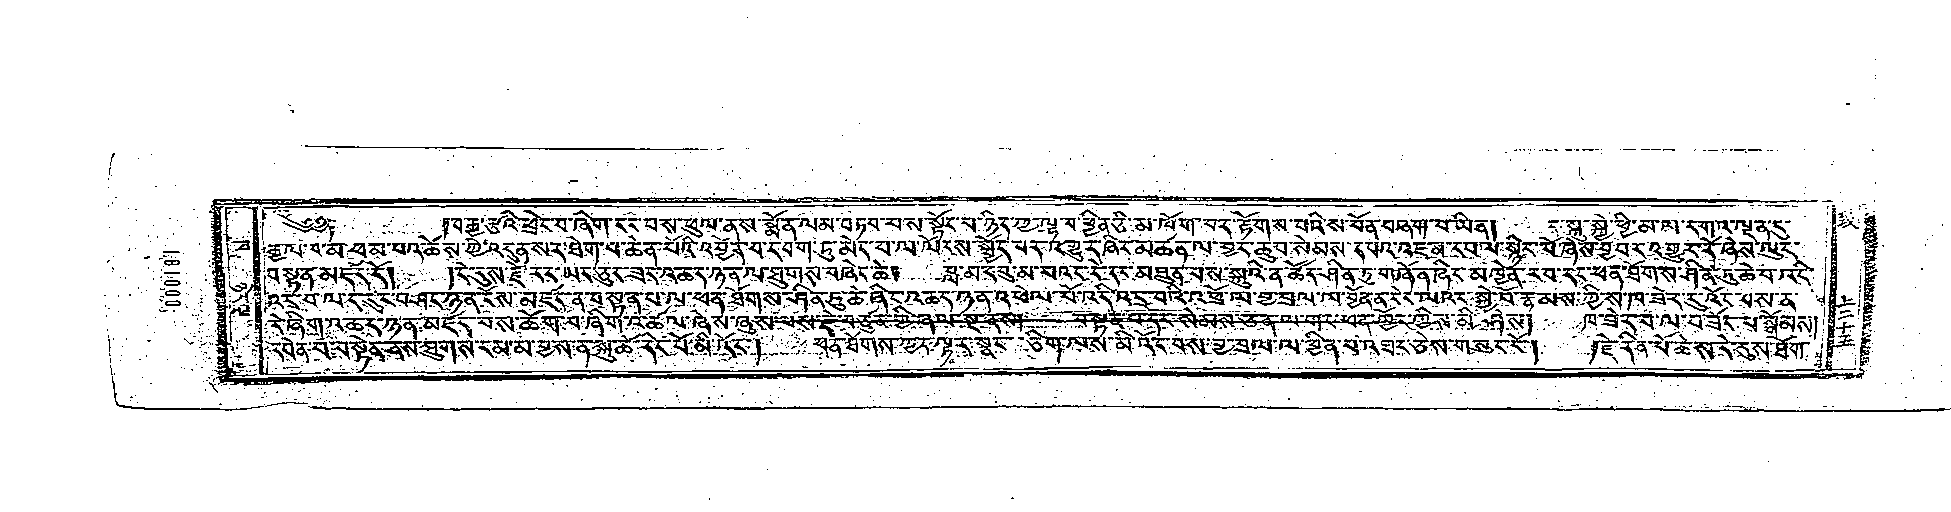༄༅། །བརྒྱ་རྩའི་ཕྲེང་བ་ཞིག་དང་པས་ཕུལ་ནས་སྨོན་ལམ་བཏབ་བས་སྟོང་པ་ཉིད་ཀྱི་ལྟ་བ་ཕྱིན་ཅི་མ་ལོག་བར་རྟོགས་པའི་ས་བོན་བཞག་པ་ཡིན། དེ་སྐུ་སྐྱེ་ཕྱི་མ་ལ་དགའ་ལྡན་དུ་
རྒྱལ་བ་མ་ཕམ་པའི་ཆོས་ཀྱི་འདུན་སར་ཐེག་པ་ཆེན་པོའི་འབྱོར་བ་དཔག་ཏུ་མེད་པ་ལ་ལོངས་སྤྱོད་པར་འགྱུར་ཞིང་མཚན་ལ་བྱང་ཆུབ་སེམས་དཔའ་འཇམ་དཔལ་སྙིང་བོ་ཞེས་བྱ་བར་འགྱུར་རོ་ཞེས་ལུང་
བསྟན་མཛད་དོ། །དེ་དུས་རྗེ་རང་ཡང་ཅུང་ཟད་འཆད་ཉན་ལ་ཐུགས་བཞེད་ཆེ། བླ་མ་དབུ་མ་པའང་དེ་དང་མཐུན་པས་སྐུའི་ན་ཚོད་ཤིན་ཏུ་གཞོན་ཞིང་མཁྱེན་རབ་དང་ཕན་ཐོགས་ཤིན་ཏུ་ཆེ་བ་འདི་
འདྲ་བ་ལ་ད་དུང་བཤད་ཉན་ངོས་མཛད་ན་བསྟན་པ་ལ་ཕན་ཐོགས་ཤིན་ཏུ་ཆེ་ཞིང་འཆད་ཉན་འཕེལ་པོ་འདི་འདྲ་བའི་འཕྲོ་ལ་བྱ་བྲལ་ལ་བྱོན་ན་དེང་ལའང་སྐྱེ་བོ་རྣམས་ཀྱིས་ཁ་ཟེར་དུ་འོང་བས་ན་
རེ་ཞིག་འཆད་ཉན་མཛད་པས་ཆོག་བ་ཞིག་འཚལ་ཞེས་ཞུས་པས་རྗེ་བཙུན་གྱི་ཞལ་སྔ་ནས། བསྟན་པ་དང་སེམས་ཅན་ལ་གང་ཕན་ཁྱོད་ཀྱིས་མི་ཤེས། ཁ་ཟེར་བ་ལ་བཟོད་པ་སྒོམས།
དབེན་པ་བསྟེན་ནས་ཐུགས་དམ་མ་བྱས་ན་སྐུ་ཚེ་རིང་པོ་མི་འོང་། ཕན་ཐོགས་ཀྱང་ལྟར་སྣང་ཅིག་ལས་མི་འོང་བས་བྱ་བྲལ་ལ་ཕྱིན་པ་འཐར་ཅེས་གསུང་ངོ། །རྗེ་རིན་པོ་ཆེས་དེ་དུས་ཐོག་